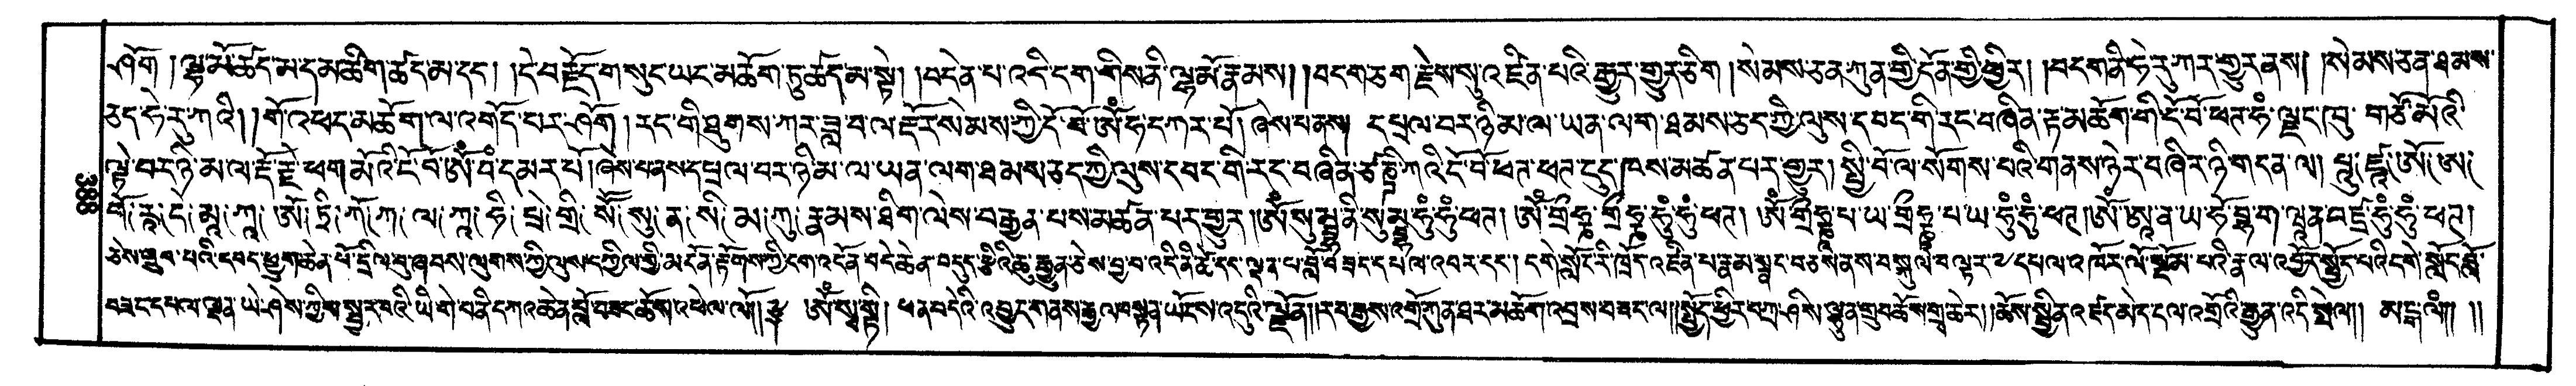ཤོག །ལྷ་མོ་ཚད་མ་དམ་ཚིག་ཚད་མ་དང་། །དེ་བརྗོད་གསུང་ཡང་མཆོག་ཏུ་ཚད་མ་སྟེ། །བདེན་པ་འདི་དག་གིས་ནི་ལྷ་མོ་རྣམས། །བདག་ཅག་རྗེས་སུ་འཛིན་པའི་རྒྱུར་གྱུར་ཅིག །སེམས་ཅན་ཀུན་གྱི་དོན་གྱི་ཕྱིར། །བདག་ནི་ཧེ་རུ་ཀར་གྱུར་ནས། །སེམས་ཅན་ཐམས་
ཅད་ཧེ་རུ་ཀའི། །གོ་འཕང་མཆོག་ལ་འགོད་པར་ཤོག །རང་གི་ཐུགས་ཀར་ཟླ་བ་ལ་རྡོར་སེམས་ཀྱི་ངོ་བོ་ཨོཾ་ཧ་དཀར་པོ། ཞེས་པ་ནས། དཔྲལ་བར་ཉི་མ་ལ་ཡན་ལག་ཐམས་ཅད་ཀྱི་ལུས་དབང་གི་རང་བཞིན་རྟ་མཆོག་གི་ངོ་བོ་ཕཊ་ཧཾ་ལྗང་ཁུ། གཙོ་མོའི་
ལྟེ་བར་ཉི་མ་ལ་རྡོ་རྗེ་ཕག་མོའི་ངོ་བོ་ཨོཾ་བཾ་དམར་པོ། ཞེས་པ་ནས། དཔྲལ་བར་ཉི་མ་ལ་ཡན་ལག་ཐམས་ཅད་ཀྱི་ལུས་དབང་གི་རང་བཞིན་ཙཎྜི་ཀའི་ངོ་བོ་ཕཊ་ཕཊ་དུང་ཁས་མཚན་པར་གྱུར། སྤྱི་བོ་ལ་སོགས་པའི་གནས་ཉེར་བཞིར་ཉི་གདན་ལ། བཱུ༑ ཛཱ༑ ཨོ༑ ཨ༑
གོ༑ རཱ༑ དེ༑ མཱ༑ ཀཱ༑ ཨོ༑ ཏྲི༑ ཀོ༑ ཀ༑ ལ༑ ཀཱ༑ ཧི༑ པྲེ༑ གྲི༑ སཽ༑ སུ༑ ན༑ སི༑ མ༑ ཀུ༑ རྣམས་ཐིག་ལེས་བརྒྱན་པས་མཚན་པར་གྱུར། ཨོཾ་སུམྦྷ་ནི་སུམྦྷ་ཧུཾ་ཧུཾ་ཕཊ། ཨོཾ་གྲྀཧྞ་གྲྀཧྞ་ཧུཾ་ཧཱུཾ་ཕཊ། ཨོཾ་གྲྀཧྞཱ་པ་ཡ་གྲྀཧྞ་པ་ཡ་ཧུཾ་ཧུཾ་ཕཊ། ཨོཾ་ཨཱ་ན་ཡ་ཧོ་བྷ་ག་ཝཱན་བཛྲ་ཧུཾ་ཧུཾ་ཕཊ།
ཅེས་གྲུབ་པའི་དབང་ཕྱུག་ཆེན་པོ་དྲིལ་བུ་ཞབས་ལུགས་ཀྱི་ལུས་དཀྱིལ་གྱི་མངོན་རྟོགས་ཀྱི་ངག་འདོན་བདེ་ཆེན་བདུད་རྩིའི་ཆུ་རྒྱུན་ཅེས་བྱ་བ་འདི་ནི་ཚེ་དང་ལྡན་པ་བློ་བཟང་དཔལ་འབར་དང་། དགེ་སློང་རི་ཁྲོད་འཛིན་པ་རྣམ་སྣང་བཅས་ནས་བསྐུལ་བ་ལྟར་༧དཔལ་འཁོར་ལོ་སྔོམ་པའི་རྣལ་འབྱོར་སྤྱོད་པའི་དགེ་སློང་བློ་
བཟང་དཔལ་ལྡན་ཡེ་ཤེས་ཀྱིས་སྦྱར་བའི་ཡི་གེ་པ་ནི་དཀའ་ཆེན་བློ་བཟང་ཆོས་འཕེལ་ལོ།། ༈ ཨོཾ་སྭ་སྟི། ཕན་བདེའི་འབྱུང་གནས་རྒྱལ་བསྟན་ཡོངས་འདུའི་ལྗོན། །རབ་རྒྱས་འགྲོ་ཀུན་ཐར་མཆོག་འབྲས་བཟང་ལ། །སྤྱོད་ཕྱིར་བཀྲ་ཤིས་ལྷུན་གྲུབ་ཆོས་གྲྭ་ཆེར། །ཆོས་སྦྱིན་འཛད་མེད་དལ་འགྲོའི་རྒྱུན་འདི་སྤེལ།། མངྒ་ལཾ།།